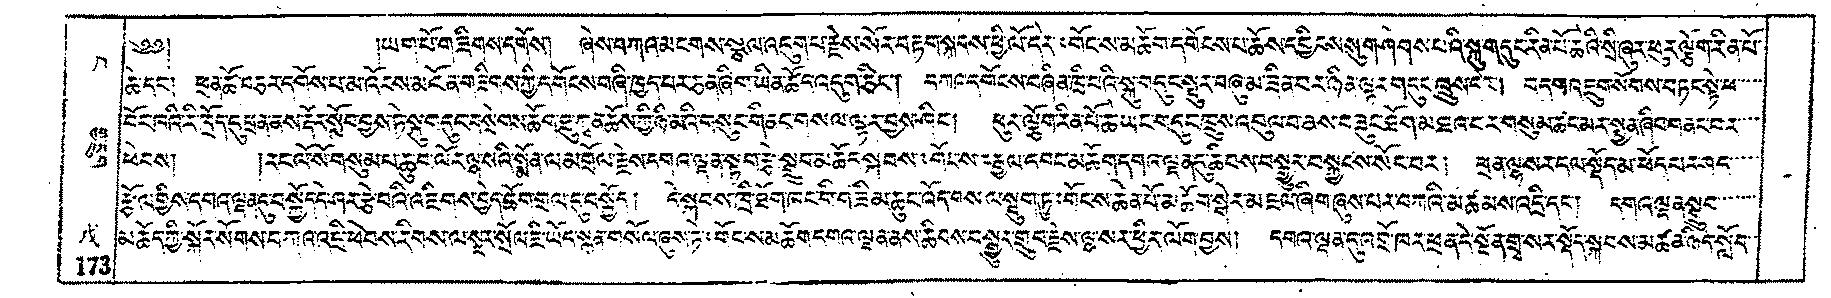༄༅། །ཡག་པོ་གཟིགས་དགོས། ཞེས་བཀའ་མངགས་སྩལ་འདུག་པ་རྗེས་སོར་བརྟག་སྐབས་ཕྱི་ལོ་དེར་༧གོང་ས་མཆོག་དགོངས་པ་ཆོས་དབྱིངས་སུ་གཤེགས་པའི་སྐུ་གདུང་རིན་པོ་ཆེའི་སྲི་ཞུར་ཕུར་ལྕོག་རིན་པོ་
ཆེ་དང་། ཕྲན་ཚོ་བཅར་དགོས་པ་མ་འོངས་མངོན་གཟིགས་ཀྱི་དགོངས་གཞི་ཁྱད་པར་ཅན་ཞིག་ཡིན་ཚོད་འདུག་ཅིང་། བཀའ་དགོངས་བཞིན་ཁྲི་བའི་སྐུ་གདུང་སྤུར་བཞུ་མ་ཟིན་པར་ཉིན་ལྟར་གདུང་ཁྲུས་དེར། བདག་འཇུག་སོགས་བཏང་སྟེ་ཕ་
བོང་ཁའི་རི་ཁྲོད་དུ་ཕྲན་ནས་རྡོར་སློབ་བྱས་ཏེ་སྐུ་གདུང་བསྲེགས་ཆོག་ཐུ་ཀྭན་ཆོས་ཀྱི་ཉི་མའི་གསུང་གི་ནང་གསལ་ལྟར་བྱས་ཤིང་། ཕུར་ལྕོག་རིན་པོ་ཆེ་ཡང་གདུང་ཁྲུས་འབུལ་བ་ནས་བཟུང་ཐོག་མཐའ་བར་གསུམ་ཚང་མར་སྤྱན་ཞིབ་གནང་བར་
ཕེབས། །རང་ལོ་སོ་གསུམ་པ་ཆུ་བ་ལོར་ལྷ་སའི་སྨོན་ལམ་གྲོལ་རྗེས་དགའ་ལྡན་སྟག་རྩེ་སྒྲུབ་མཆོད་སྐབས་༧གོང་ས་༧རྒྱལ་དབང་མཆོག་དགའ་ལྡན་དུ་ཆིབས་བསྒྱུར་བསྐྱངས་སོང་བར། ཕྲན་ལྷ་སར་དལ་སྡོད་མ་ཕོད་པར་ཤད་
རྩོལ་གྱིས་དགའ་ལྡན་དུ་བསྐྱོད་དེ་ཤར་རྩེ་བའི་འཇིགས་བྱེད་ཆོག་གྲལ་དུ་བསྐྱོད། དེ་སྐབས་ཁྲི་ཐོག་ཁང་གི་གཟིམ་ཆུང་འོད་གསལ་སྦུག་ཏུ་༧གོང་ས་ཆེན་པོ་མཆོག་སྒེར་མཇལ་ཞིག་ཞུས་པར་བཀའི་མཚམས་འདྲི་དང་། དགའ་ལྡན་སྒྲུབ་
མཆོད་ཀྱི་སྐོར་སོགས་བཀའ་འདྲི་ཕེབས་རིགས་ལ་སྔར་སྲོལ་ཇི་ཡོད་སྙན་གསོལ་ཞུས་ཏེ་༧གོང་ས་མཆོག་དགའ་ལྡན་ནས་ཆིབས་བསྒྱུར་གྲུབ་རྗེས་ལྷ་སར་ཕྱིར་ལོག་བྱས། དགའ་ལྡན་དུ་འགྲོ་ཁར་ཕྲན་དེ་སྔོན་གྲྭ་སར་སྡོད་སྐབས་མཚན་ཉིད་སློབ་